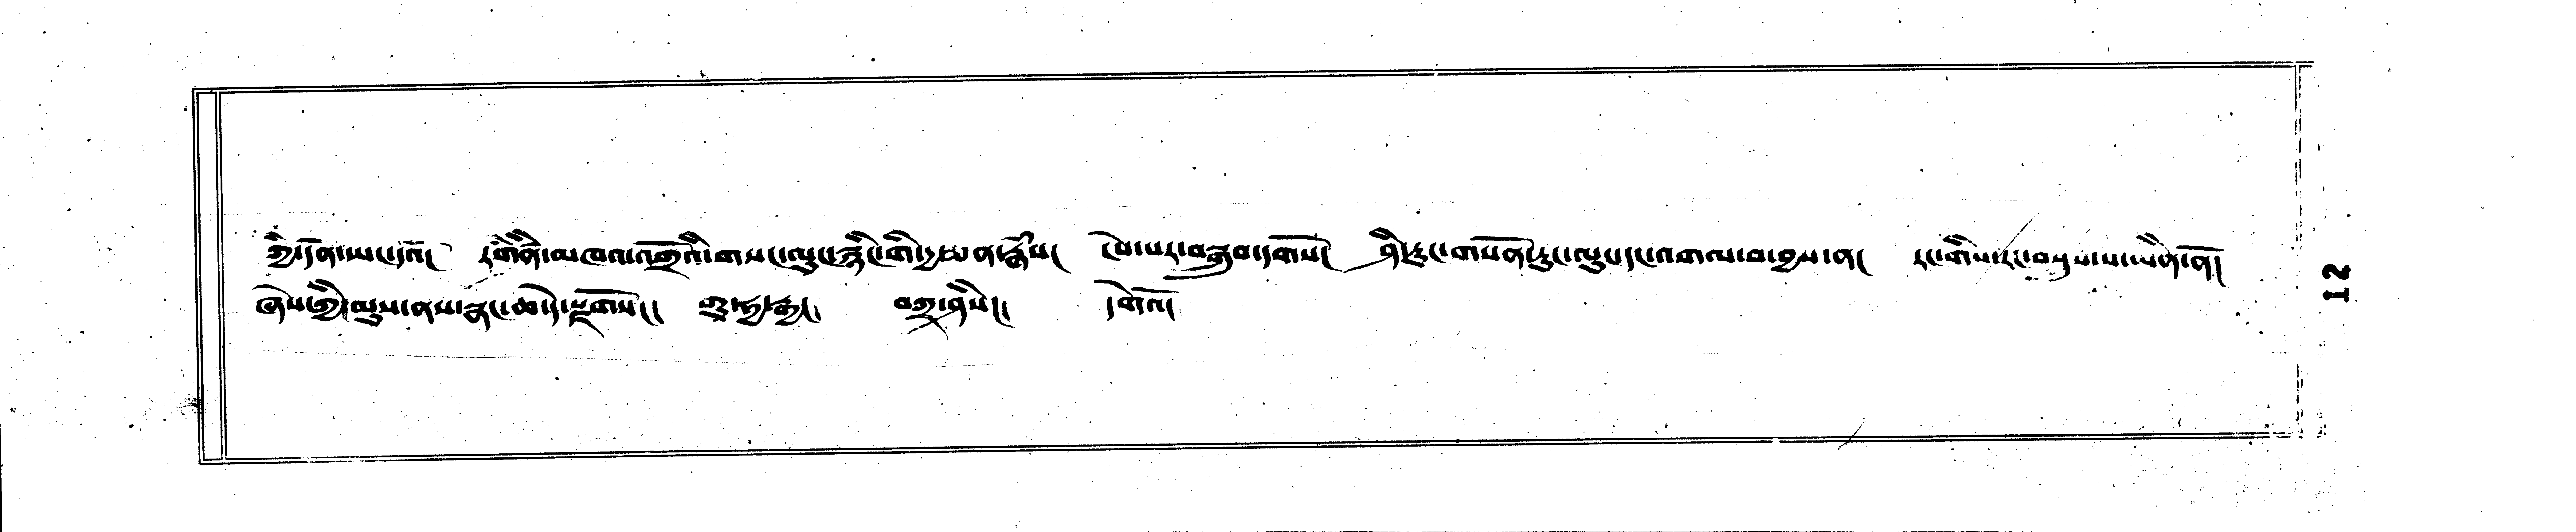ཀྱི་དོན་ཡང་དེའོ། །རིག་འཛིན་མཁའ་འགྲོའི་གསང་ལུང་སྙིང་གི་རྒྱ་ཅན་རྣམས། ངེས་པར་བསྒྲུབ་དགོས། ཤི་རུང་གསོན་རུང་ལུང་དང་འགལ་བ་བྱས་ན། རང་གིས་རང་བསླུས་པ་ཡིན་ནོ། །
ཞེས་ཀྱི་མུས་ནས་སྣང་ཆ་དེ་རྫོགས། །གུ་ཧྱ་རྒྱ། བཀྲ་ཤིས། །དགེའོ།། །།